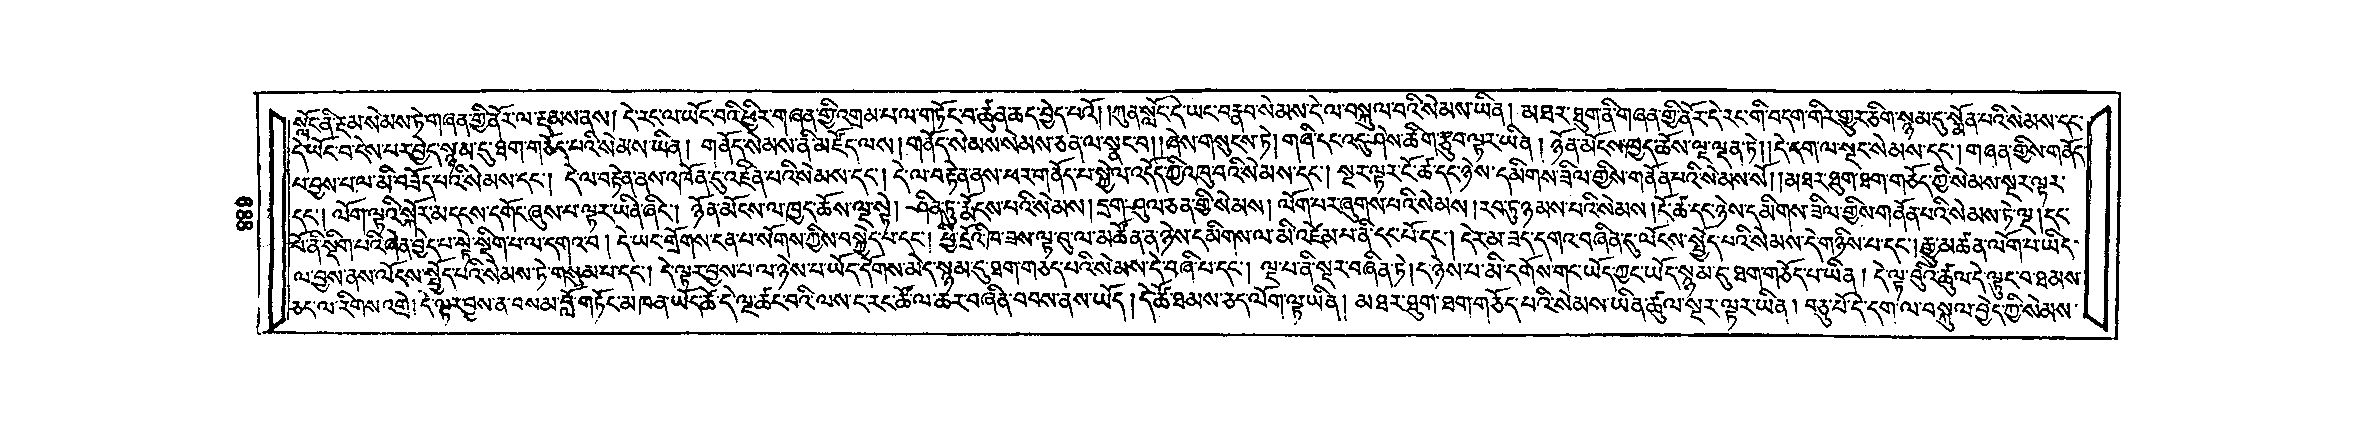སློང་ནི་རྔམ་སེམས་ཏེ་གཞན་གྱི་ནོར་ལ་རྔམས་ནས། དེ་རང་ལ་ཡོང་བའི་ཕྱིར་གཞན་གྱི་འགྲམ་པ་ལ་གཏོང་བ་ཚུན་ཆད་བྱེད་པའོ། །ཀུན་སློང་དེ་ཡང་བརྣབ་སེམས་དེ་ལ་བསྐུལ་བའི་སེམས་ཡིན། མཐར་ཐུག་ནི་གཞན་གྱི་ནོར་དེ་རང་གི་བདག་གིར་གྱུར་ཅིག་སྙམ་དུ་སྨོན་པའི་སེམས་དང་
དེ་ཡོང་བ་ངེས་པར་བྱེད་སྙམ་དུ་ཐག་གཅོད་པའི་སེམས་ཡིན། གནོད་སེམས་ནི་མཛོད་ལས། གནོད་སེམས་སེམས་ཅན་ལ་སྣང་བ། །ཞེས་གསུངས་ཏེ། གཞི་དང་འདུ་ཤེས་ཚིག་རྩུབ་ལྟར་ཡིན། ཉོན་མོངས་ཁྱད་ཆོས་ལྔ་ལྡན་ཏེ། །དེ་དག་ལ་སྡང་སེམས་དང་། གཞན་གྱིས་གནོད་
པ་བྱས་པ་ལ་མི་བཟོད་པའི་སེམས་དང་། དེ་ལ་བརྟེན་ནས་འཁོན་དུ་འཛིན་པའི་སེམས་དང་། དེ་ལ་བརྟེན་ནས་ཕར་གནོད་པ་སྐྱེལ་འདོད་ཀྱི་འཁུ་བའི་སེམས་དང་། སྔར་ལྟར་ངོ་ཚ་དང་ཉེས་དམིགས་ཟིལ་གྱིས་གནོན་པའི་སེམས་སོ། །མཐར་ཐུག་ཐག་གཅོད་ཀྱི་སེམས་སྔར་ལྟར་
དང་། ལོག་ལྟའི་སྐོར་མདངས་དགོང་ཞུས་པ་ལྟར་ཡིན་ཞིང་། ཉོན་མོངས་ལ་ཁྱད་ཆོས་ལྔ་སྟེ། ཤིན་ཏུ་རྨོངས་པའི་སེམས། དྲག་ཤུལ་ཅན་གྱི་སེམས། ལོག་པར་ཞུགས་པའི་སེམས། རབ་ཏུ་ཉམས་པའི་སེམས། ངོ་ཚ་དང་ཉེས་དམིགས་ཟིལ་གྱིས་གནོན་པའི་སེམས་ཏེ་ལྔ། དང་
པོ་ནི་སྡིག་པའི་ཞེན་བྱེད་པ་སྟེ་སྡིག་པ་ལ་དགའ་བ། དེ་ཡང་གྲོགས་ངན་པ་སོགས་ཀྱིས་བསྐྱེད་པ་དང་། ཕྱི་དྲོའི་ཁ་ཟས་ལྟ་བུ་ལ་མཚོན་ན་ཉེས་དམིགས་ལ་མི་འཛེམ་པ་ནི་དང་པོ་དང་། དེར་མ་ཟད་དགའ་བཞིན་དུ་ལོངས་སྤྱོད་པའི་སེམས་དེ་གཉིས་པ་དང་། རྒྱུ་མཚན་ལོག་པ་ཡིད་
ལ་བྱས་ནས་ལོངས་སྤྱོད་པའི་སེམས་ཏེ་གསུམ་པ་དང་། དེ་ལྟར་བྱས་པ་ལ་ཉེས་པ་ཡོད་དོགས་མེད་སྙམ་དུ་ཐག་བཅད་པའི་སེམས་དེ་བཞི་པ་དང་། ལྔ་པ་ནི་སྔར་བཞིན་ཏེ། ད་ཉེས་པ་མི་དགོས་གང་ཡོད་ཀྱང་ཡོད་སྙམ་དུ་ཐག་གཅོད་པ་ཡིན། དེ་ལྟ་བུའི་ཚུལ་དེ་ལྟུང་བ་ཐམས་
ཅད་ལ་རིགས་འགྲེ་།དེ་ལྟར་བྱས་ན་བསམ་བློ་གཏོང་མཁན་ཡོད་ཚེ་དེ་ལྔ་ཚང་བའི་ལས་ང་རང་ཚོ་ལ་ཆར་བཞིན་བབས་ནས་ཡོད། དེ་ཚོ་ཐམས་ཅད་ལོག་ལྟ་ཡིན། མཐར་ཐུག་ཐག་གཅོད་པའི་སེམས་ཡིན་ཚུལ་སྔར་ལྟར་ཡིན། བཅུ་པོ་དེ་དག་ལ་བསྐུལ་བྱེད་ཀྱི་སེམས་